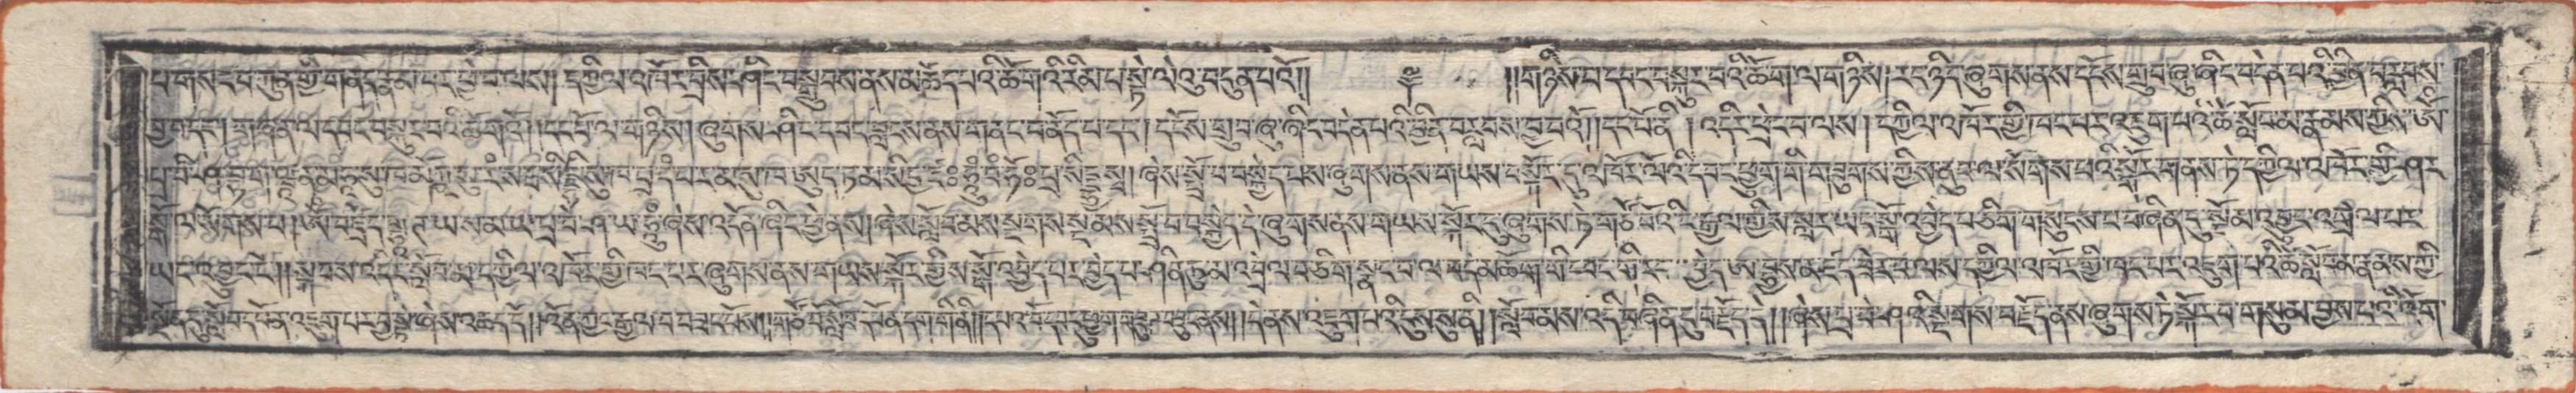པ་གསང་བ་ཀུན་གྱི་གནད་རྣམ་པར་ཕྱེ་བ་ལས། དཀྱིལ་འཁོར་བྲིས་ཤིང་བསྒྲུབས་ནས་མཆོད་པའི་ཆོ་གའི་རིམ་པ་སྟེ་ལེའུ་བདུན་པའོ།། ༈ །།གཉིས་པ་དབང་བསྐུར་བའི་ཆོ་ག་ལ་གཉིས། རང་ཉིད་ཞུགས་ནས་དངོས་གྲུབ་ཞུ་ཞིང་བདེན་པའི་བྱིན་བརླབས་
བྱ་བ་དང་། གཞན་ལ་དབང་བསྐུར་བའི་ཆོ་གའོ། །དང་པོ་ལ་གཉིས། ཞུགས་ཤིང་དབང་བླངས་ནས་གནང་བ་ནོད་པ་དང་། དངོས་གྲུབ་ཞུ་ཞིང་བདེན་པའི་བྱིན་བརླབས་བྱ་བའོ། །དང་པོ་ནི། འདིར་ཕྲེང་བ་ལས། དཀྱིལ་འཁོར་གྱི་ཁང་པར་འཇུག་པའི་ཚེ་སློབ་མ་རྣམས་ཀྱིས་ཨོཾ་
པྲ་བི་ཤ་བྷ་ག་ཝཱ་ན་མཧཱ་སུ་ཁ་མོཀཥ་སུ་རཾ་སརྦ་སིདྡྷི་སུ་ཁ་པྲ་དཾ་པ་ར་མ་སུ་ཁ་ཨུད་ཏ་མ་སི་དྱ་ཛཿ ཧཱུཾ་བཾ་ཧོཿ པྲ་སིདྡྷྱསྭ། ཞེས་སྤྲོ་བ་བསྐྱེད་པས་ཞུགས་ནས་གཡས་བསྐོར་དུ་འཁོར་ལོའི་དབང་ཕྱུག་གི་གཟུགས་ཀྱིས་ནུབ་ལ་སོགས་པའི་སྒོར་གནས་ཏེ་དཀྱིལ་འཁོར་གྱི་ཤར་
སྒོ་ལ་སོགས་པ། ཨོཾ་བཛྲོད་གྷཱ་ཊ་ཡ་ས་མ་ཡ་པྲ་བོ་ཤ་ཡ་ཧཱུཾ་ཞེས་འདོན་ཞིང་ཕྱེ་ནས། ཞེས་སློབ་མས་སྔགས་སྔ་མས་སྤྲོ་བ་བསྐྱེད་དེ་ཞུགས་ནས་གཡས་སྐོར་དུ་ཞུགས་ཏེ་གཙོ་བོའི་ང་རྒྱལ་གྱིས་སླར་ཡང་སྒོ་འབྱེད་པ་ཅིག་གསུངས་པ་བཞིན་དུ་སྡོམ་འབྱུང་འགྲེལ་པར་
ཡང་འབྱུང་ངོ། །སྐབས་འདིར་སློབ་མ་དཀྱིལ་འཁོར་གྱི་ཁང་པར་ཞུགས་ནས་གཡས་སྐོར་གྱིས་སྒོ་འབྱེད་པར་བྱེད་པ་ཤིན་ཏུ་མ་འབྲེལ་བ་ཅིག་སྣང་བ་ལ་བདེ་མཆོག་གི་དབང་གི་རབ་བྱེད་ཨ་བྷྱས་མཛད་ཟེར་བ་ལས་དཀྱིལ་འཁོར་གྱི་ཁང་པར་འཇུག་པའི་ཚེ་སློབ་མ་རྣམས་ཀྱི་
སྔོན་དུ་སློབ་དཔོན་འཇུག་པར་བྱ་སྟེ་ཞེས་འཆད་དོ། །འོན་ཀྱང་རྒྱལ་བ་བཟང་པོས། །གཙོ་བོ་སློབ་དཔོན་དག་གི་ནི། །དཔའ་བོ་དབང་ཕྱུག་གཟུགས་བཟུང་ནས། །དེ་ནས་འཇུག་པའི་དུས་སུ་ནི། །སློབ་མས་འདི་བཞིན་དུ་བརྗོད་དེ། །ཞེས་པྲ་བེ་ཤའི་སྔགས་བརྗོད་ནས་ཞུགས་ཏེ་སྐོར་བ་གསུམ་བྱས་པའི་འོ་